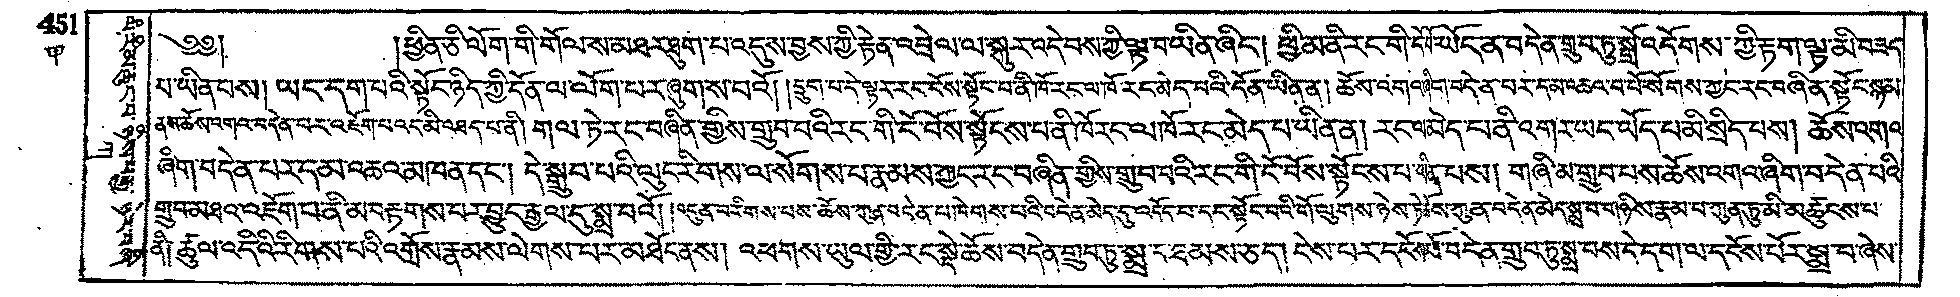༄༅། །ཕྱིན་ཅི་ལོག་གི་གོལ་ས་མཐར་ཐུག་པ་འདུས་བྱས་ཀྱི་རྟེན་འབྲེལ་ལ་སྐུར་འདེབས་ཀྱི་ལྟ་བ་ཡིན་ཞིང་། ཕྱི་མ་ནི་རང་གི་ངོ་བོ་ཡོད་ན་བདེན་གྲུབ་ཏུ་སྒྲོ་འདོགས་ཀྱི་རྟག་ལྟ་མི་བཟད་
པ་ཡིན་པས། ཡང་དག་པའི་སྟོང་ཉིད་ཀྱི་དོན་ལ་ལོག་པར་ཞུག་པའོ། །དྲུག་པ་དེ་ལྟར་རང་ངོས་སྟོང་པ་ནི་ཁོ་རང་ལ་ཁོ་རང་མེད་པའི་དོན་ཡིན་ན། ཆོས་འགའ་ཞིག་བདེན་པར་དམ་འཆའ་བ་པོ་སོགས་ཀྱང་རང་བཞིན་སྟོང་སྙམ་
ནས་ཆོས་འགའ་བདེན་པར་འཇོག་པའང་མི་འཐད་པ་ནི། གལ་ཏེ་རང་བཞིན་གྱིས་གྲུབ་པའི་རང་གི་ངོ་བོས་སྟོངས་པ་ནི་ཁོ་རང་ལ་ཁོ་རང་མེད་པ་ཡིན་ན། རང་ལ་མེད་པ་ནི་འགར་ཡང་ཡོད་པ་མི་སྲིད་པས། ཆོས་འགའ་
ཞིག་བདེན་པར་དམ་འཆའ་མཁན་དང་། དེ་སྒྲུབ་པའི་ལུང་རིགས་ལ་སོགས་པ་རྣམས་ཀྱང་རང་བཞིན་གྱིས་གྲུབ་པའི་རང་གི་ངོ་བོས་སྟོངས་པ་ཡིན་པས། གཞི་མ་གྲུབ་པས་ཆོས་འགའ་ཞིག་བདེན་པའི་
གྲུབ་མཐའ་འཇོག་པ་ནི་མ་བརྟགས་པར་བྱུང་རྒྱལ་དུ་སྨྲ་བའོ། །བདུན་པ་རིགས་པས་ཆོས་ཀུན་བདེན་པ་ཁེགས་པའི་བདེན་མེད་དུ་འདོད་པ་དང་སྟོང་པའི་གོ་ལུགས་ཉེས་ཏེ་ཆོས་ཀུན་བདེན་མེད་སྨྲ་བ་གཉིས་རྣམ་པ་ཀུན་ཏུ་མི་མཚུངས་པ་
ནི༑ ཚུལ་འདིའི་རིགས་པའི་འགྲོས་རྣམས་ལེགས་པར་མཐོང་ནས། འཕགས་ཡུལ་གྱི་རང་སྡེ་ཆོས་བདེན་གྲུབ་ཏུ་སྨྲ་བ་ཐམས་ཅད། ངེས་པར་དངོས་པོ་བདེན་གྲུབ་ཏུ་སྨྲ་བས་དེ་དག་ལ་དངོས་པོར་སྨྲ་བ་ཞེས་